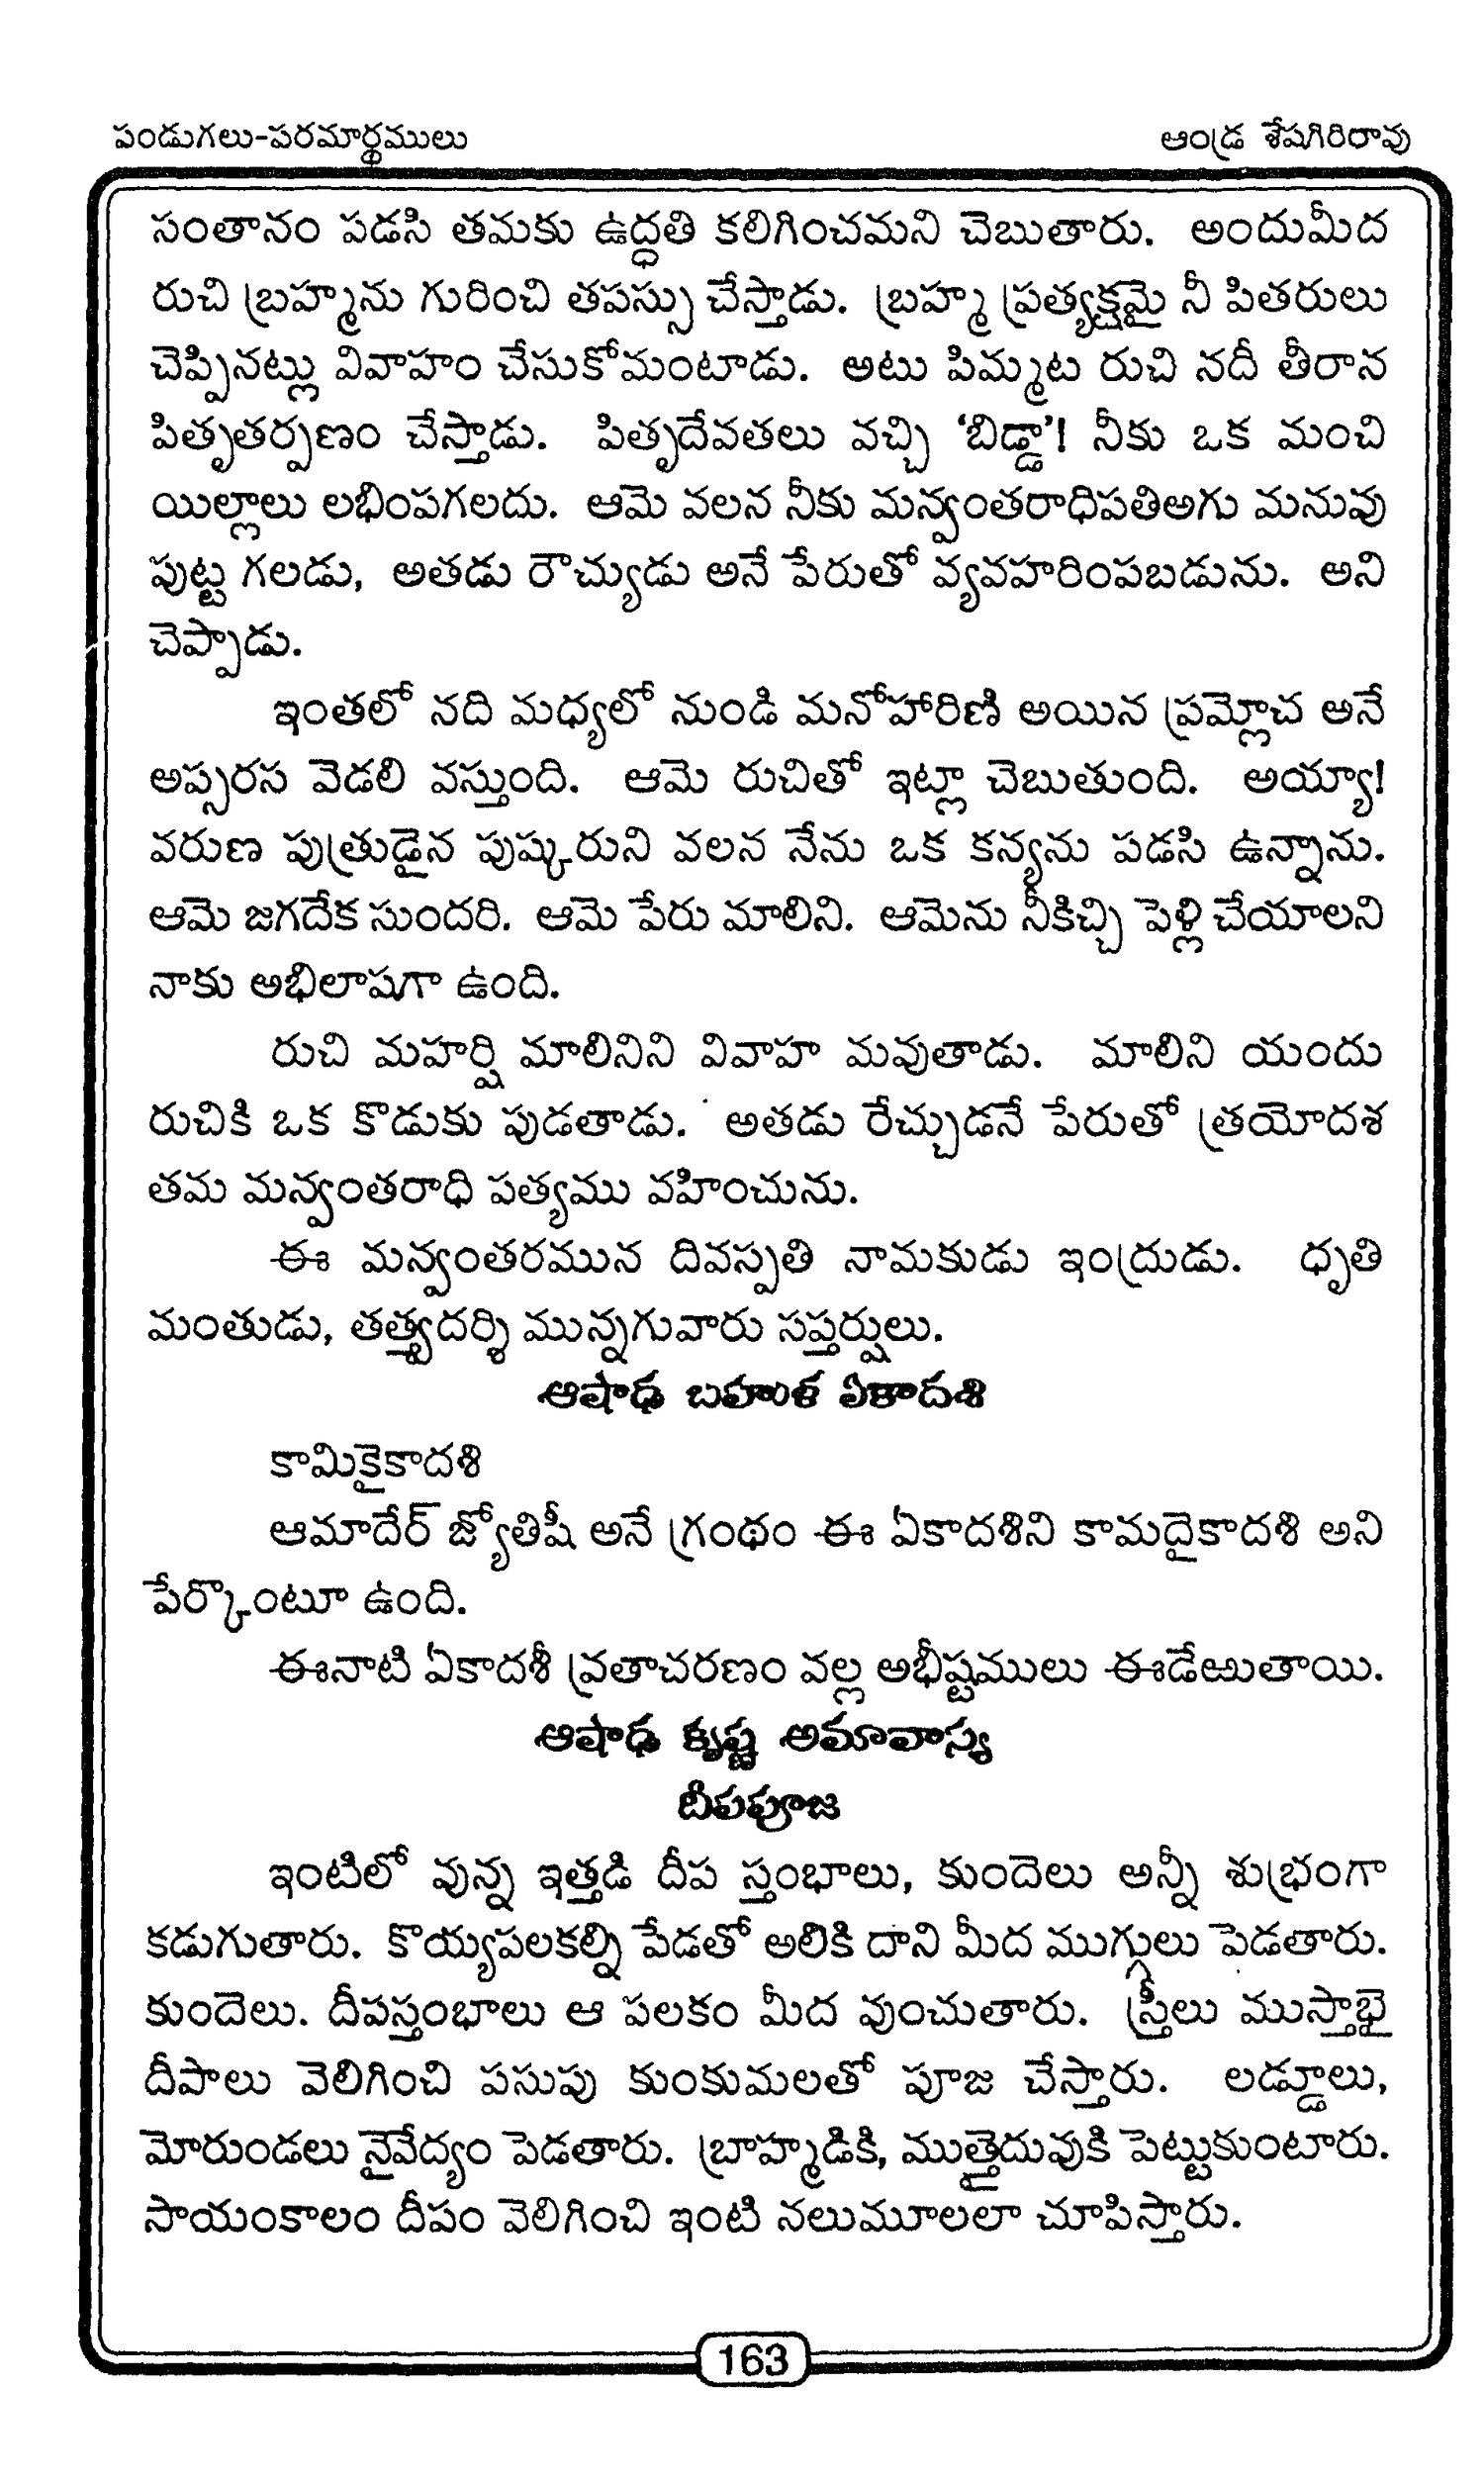సంతానం పడసి తమకు ఉద్దతి కలిగించమని చెబుతారు. అందుమీద రుచి బ్రహ్మను గురించి తపస్సు చేస్తాడు. బ్రహ్మప్రత్యక్షమై నీ పితరులు చెప్పినట్లు వివాహం చేసుకోమంటాడు. అటు పిమ్మట రుచి నదీ తీరాన పితృతర్పణం చేస్తాడు. పితృదేవతలు వచ్చి 'బిడ్దా '! నీకు ఒక మంచి యిల్లాలు లభించగలదు. ఆమె వలన నీకు మన్వంతరాధిపతిఅగు మనువు పుట్ట గలడు. అతడు రౌచ్యుడు అనే పేరుతో వ్యవహరింపబడును. అని చెప్పాడు.
 ఇంతలో నది మధ్యలో నుండి మనోహరిణి అయిన ప్రమ్లోచ అనే అప్సరస వెడలి వస్తుంది. ఆమె రుచితో ఇట్లా చెబుతుంది. అయ్యా! వరుణ పుత్రుడైన పుష్కరుని వలన నేను ఒక కన్యను పడసి ఉన్నాను. ఆమె జగదేక సుందరి. ఆమె పేరు మాలిని. ఆమెను నీకిచ్చి పెళ్లిచేయాలని నాకు అభిలాషగా ఉంది.
 రుచి మహర్షి మాలినిని వివాహ మవుతాడు. మాలిని యందు రుచికి ఒక కొడుకు పుడతాడు. అతడు రేచ్చుడనే పేరుతో త్రయోదశ తమ మన్వంతరాధి సత్యము వహించును.
 ఈ మన్వంతరమున దివస్పతి నామకుడు ఇంద్రుడు. ధృతిమంతుడు. తత్త్యదర్శి మున్నగువారు సప్తర్షులు.
 ఆషాఢ బహుళ ఏకాదశి
 కామికైకాదశి
 ఆమాధేర్ జ్యోతిషీ అనె గ్రంధం ఈ ఏకాదశిని కామదైకాదశి అని పేర్కొంటూ ఉంది.
 ఈనాటి ఏకాదశీ వ్రతాచరణం వల్ల అభీష్ల్టములు ఈడేఱుతాయి.
 ఆషాడ కృష్ణ అమావాస్య
 దీపపూజ
 ఇంటిలో వున్న ఇత్తడి దీప స్తంభాలు, కుందెలు అన్నీ శుభ్రంగా కడుగుతారు. కొయ్యపలకల్ని పేడతో అలికి దానిమీద ముగ్గులు పెడతారు. కుందెలు, దీపస్తంభాలు ఆ పలకల మీద వుంచుతారు. స్త్రీలు ముస్తాబై దీపాలు వెలిగించి పసుపు కుంకుమలతో పూజ చేస్తారు. లడ్దూలు, మోరుండలు నైవేద్యం పెడతారు. బ్రాహ్మడికి, ముత్తైతుదువుకి పెట్టుకుంటారు. సాయంకాలం దీపం వెలిగించి ఇంటి నలుమూలలా చూపిస్తారు.